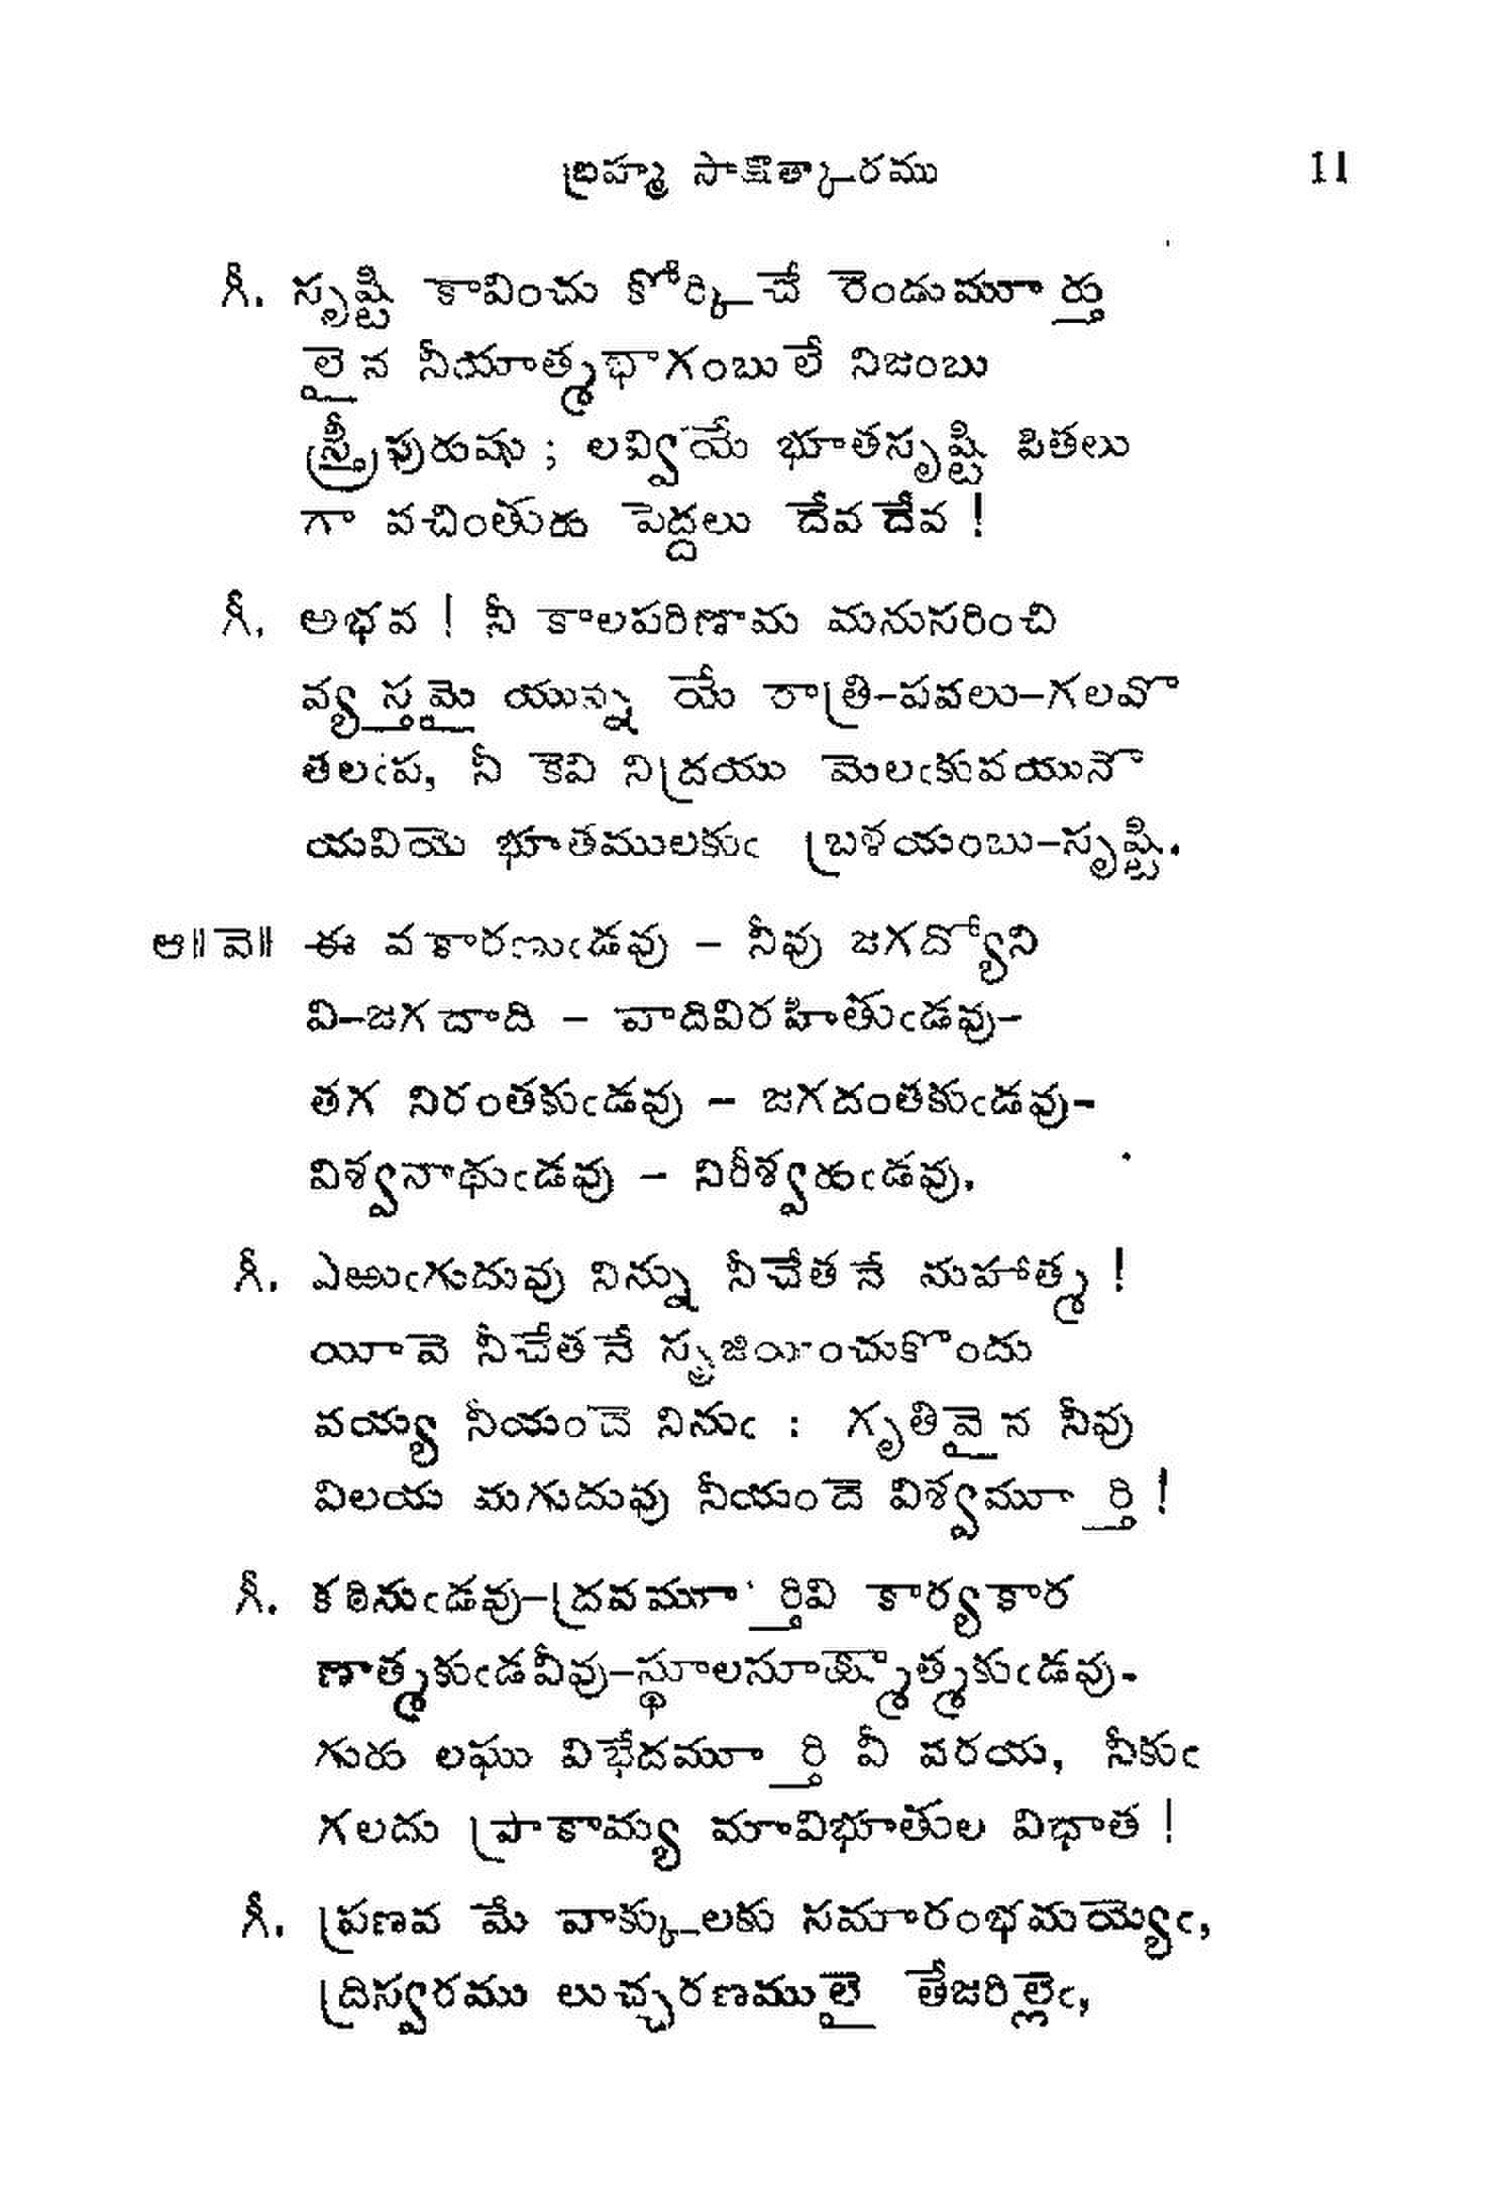గీ. సృష్టి కావించు కోర్కిచే రెండు మూర్తు
లైన నీయాత్మభాగంబులే నిజంబు
స్త్రీ పురుషు; లవ్వియే భూతసృష్టి పితలు
గా వచింతురు పెద్దలు దేవ దేవ !

గీ, అభవ ! నీ కాలపరిణామ మనుసరించి
వ్యస్తమై యున్న యే రాత్రి-పవలు—గలవొ
తలఁప, నీ కెవి నిద్రయు మెలఁకువయునొ
యవియె భూతములకుఁ బ్రళయంబు-సృష్టి.

ఆ వె॥ ఈ వకారణుఁడవు - నీవు జగద్యోని
వి-జగదాది వాదివిర హితుఁడవు -
తగ నిరంతకుఁడవు - జగదంతకుఁడవు-
విశ్వనాథుఁడవు - నిరీశ్వరుఁడవు,

గీ, ఎఱుఁగుదువు నిన్ను నీ చేతనే మహాత్మ !
యీవె నీచేతనే సృజియించుకొందు
వయ్య నీయంచె నినుఁ : గృతివైన నీవు
విలయ మగుదువు నీయందె విశ్వమూర్తి!

గీ. కఠినుఁడవు-ద్రవమూర్తివి కార్యకార
ణాత్మకుఁడ వీవు-స్థూలసూక్ష్మాత్మకుఁడవు.
గురు లఘు విభేదమూర్తివీ వరయ, నీకుఁ
గలదు ప్రాకామ్య మావిభూతుల విధాత !

గీ. ప్రణవ మే వాక్కులకు సమారంభమయ్యెఁ,
ద్రిస్వరము లుచ్చరణములై తేజరిల్లెఁ,